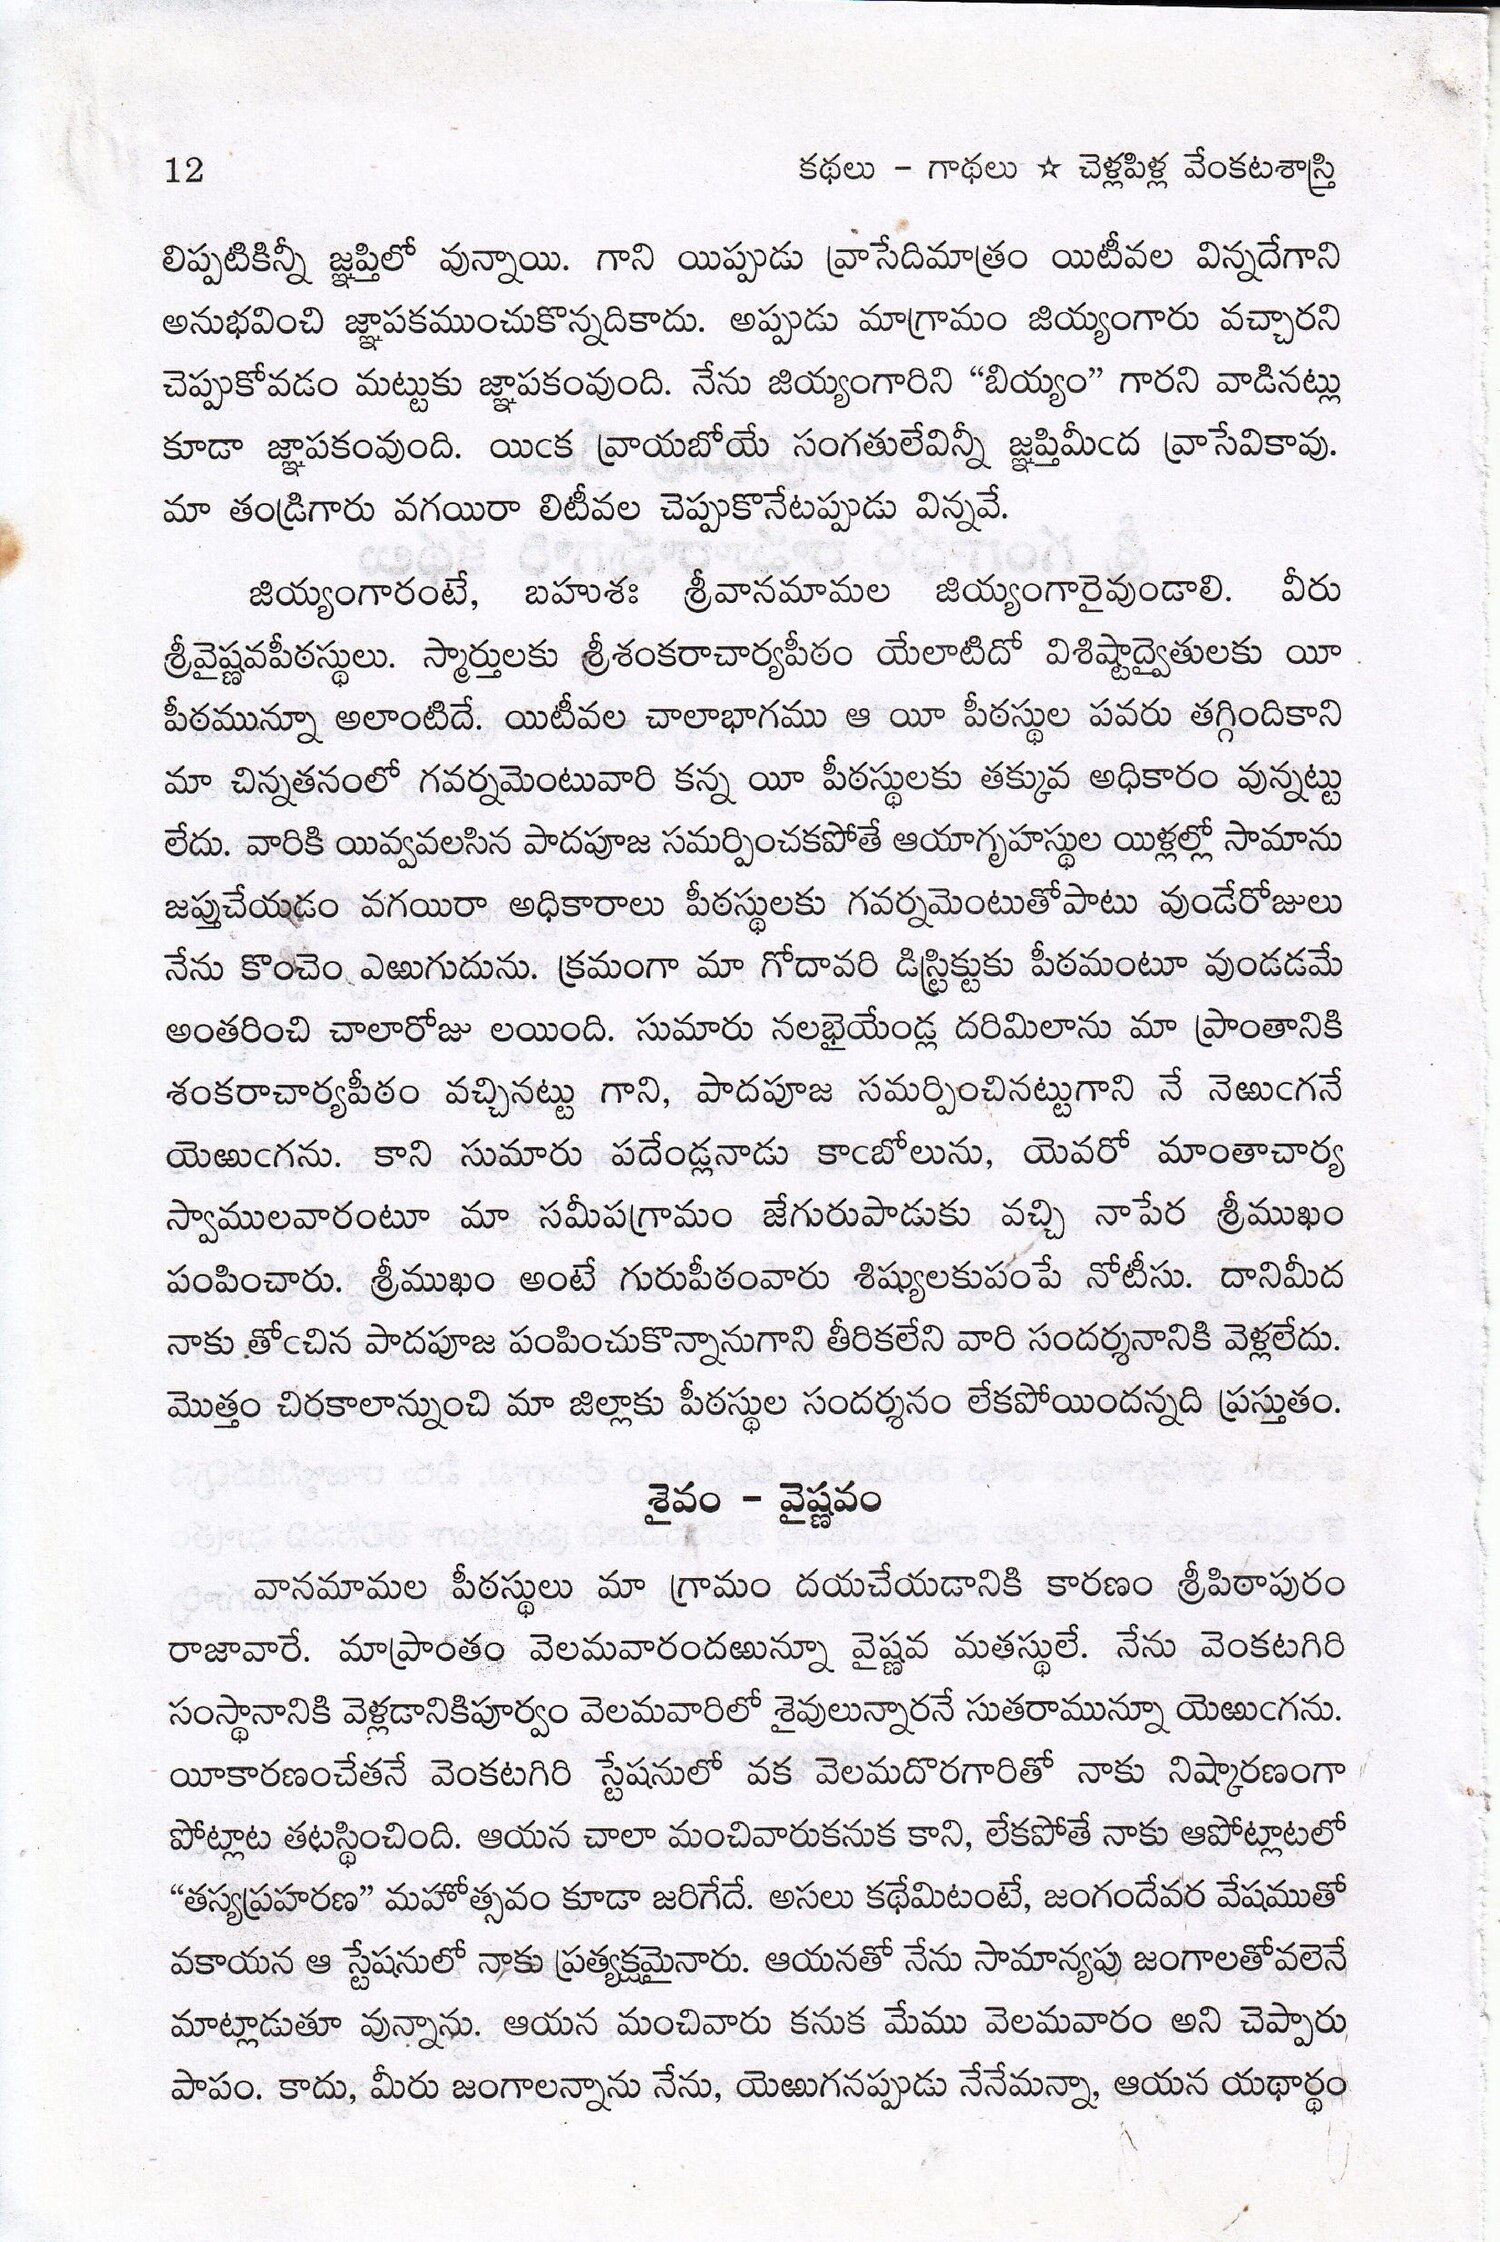లిప్పటికిన్నీ జ్ఞప్తిలో వున్నాయి. గాని యిప్పుడు వ్రాసేదిమాత్రం యిటీవల విన్నదేగాని అనుభవించి జ్ఞాపకముంచుకొన్నదికాదు. అప్పుడు మాగ్రామం జియ్యంగారు వచ్చారని చెప్పకోవడం మట్టుకు జ్ఞాపకంవుంది. నేను జియ్యంగారిని “బియ్యం” గారని వాడినట్లు కూడా జ్ఞాపకంవుంది. యిఁక వ్రాయబోయే సంగతులేవిన్నీ జ్ఞప్తిమీఁద వ్రాసేవికావు. మా తండ్రిగారు వగయిరా లిటీవల చెప్పుకొనేటప్పుడు విన్నవే.

జియ్యంగారంటే, బహుశః శ్రీవానమామల జియ్యంగారైవుండాలి. వీరు శ్రీవైష్ణవపీఠస్థులు. స్మార్తులకు శ్రీశంకరాచార్యపీఠం యేలాటిదో విశిష్టాద్వైతులకు యీ పీఠమున్నూ అలాంటిదే. యిటీవల చాలాభాగము ఆ యీ పీఠస్థుల పవరు తగ్గిందికాని మా చిన్నతనంలో గవర్నమెంటువారి కన్న యీ పీఠస్థులకు తక్కువ అధికారం వున్నట్టు లేదు. వారికి యివ్వవలసిన పాదపూజ సమర్పించకపోతే ఆయాగృహస్థుల యిళ్లల్లో సామాను జప్తుచేయడం వగయిరా అధికారాలు పీఠస్థులకు గవర్నమెంటుతోపాటు వుండేరోజులు నేను కొంచెం ఎఱుగుదును. క్రమంగా మా గోదావరి డిస్ట్రిక్టుకు పీఠమంటూ వుండడమే అంతరించి చాలారోజు లయింది. సుమారు నలభైయేండ్ల దరిమిలాను మా ప్రాంతానికి శంకరాచార్యపీఠం వచ్చినట్టు గాని, పాదపూజ సమర్పించినట్టుగాని నే నెఱుఁగనే యెఱుఁగను. కాని సుమారు పదేండ్లనాడు కాఁబోలును, యెవరో మాంతాచార్య స్వాములవారంటూ మా సమీపగ్రామం జేగురుపాడుకు వచ్చి నాపేర శ్రీముఖం పంపించారు. శ్రీముఖం అంటే గురుపీఠంవారు శిష్యులకుపంపే నోటీసు. దానిమీద నాకు తోఁచిన పాదపూజ పంపించుకొన్నానుగాని తీరికలేని వారి సందర్శనానికి వెళ్లలేదు. మొత్తం చిరకాలాన్నుంచి మా జిల్లాకు పీఠస్థుల సందర్శనం లేకపోయిందన్నది ప్రస్తుతం.

వానమామల పీఠస్థులు మా గ్రామం దయచేయడానికి కారణం శ్రీపిఠాపురం రాజావారే. మాప్రాంతం వెలమవారందఱున్నూ వైష్ణవ మతస్థులే. నేను వెంకటగిరి సంస్థానానికి వెళ్లడానికిపూర్వం వెలమవారిలో శైవులున్నారనే సుతరామున్నూ యెఱుఁగను. యీకారణంచేతనే వెంకటగిరి స్టేషనులో వక వెలమదొరగారితో నాకు నిష్కారణంగా పోట్లాట తటస్థించింది. ఆయన చాలా మంచివారుకనుక కాని, లేకపోతే నాకు ఆపోట్లాటలో “తస్యప్రహరణ" మహోత్సవం కూడా జరిగేదే. అసలు కథేమిటంటే, జంగందేవర వేషముతో వకాయన ఆ స్టేషనులో నాకు ప్రత్యక్షమైనారు. ఆయనతో నేను సామాన్యపు జంగాలతోవలెనే మాట్లాడుతూ వున్నాను. ఆయన మంచివారు కనుక మేము వెలమవారం అని చెప్పారు పాపం. కాదు, మీరు జంగాలన్నాను నేను, యెఱుగనప్పుడు నేనేమన్నా, ఆయన యథార్థం